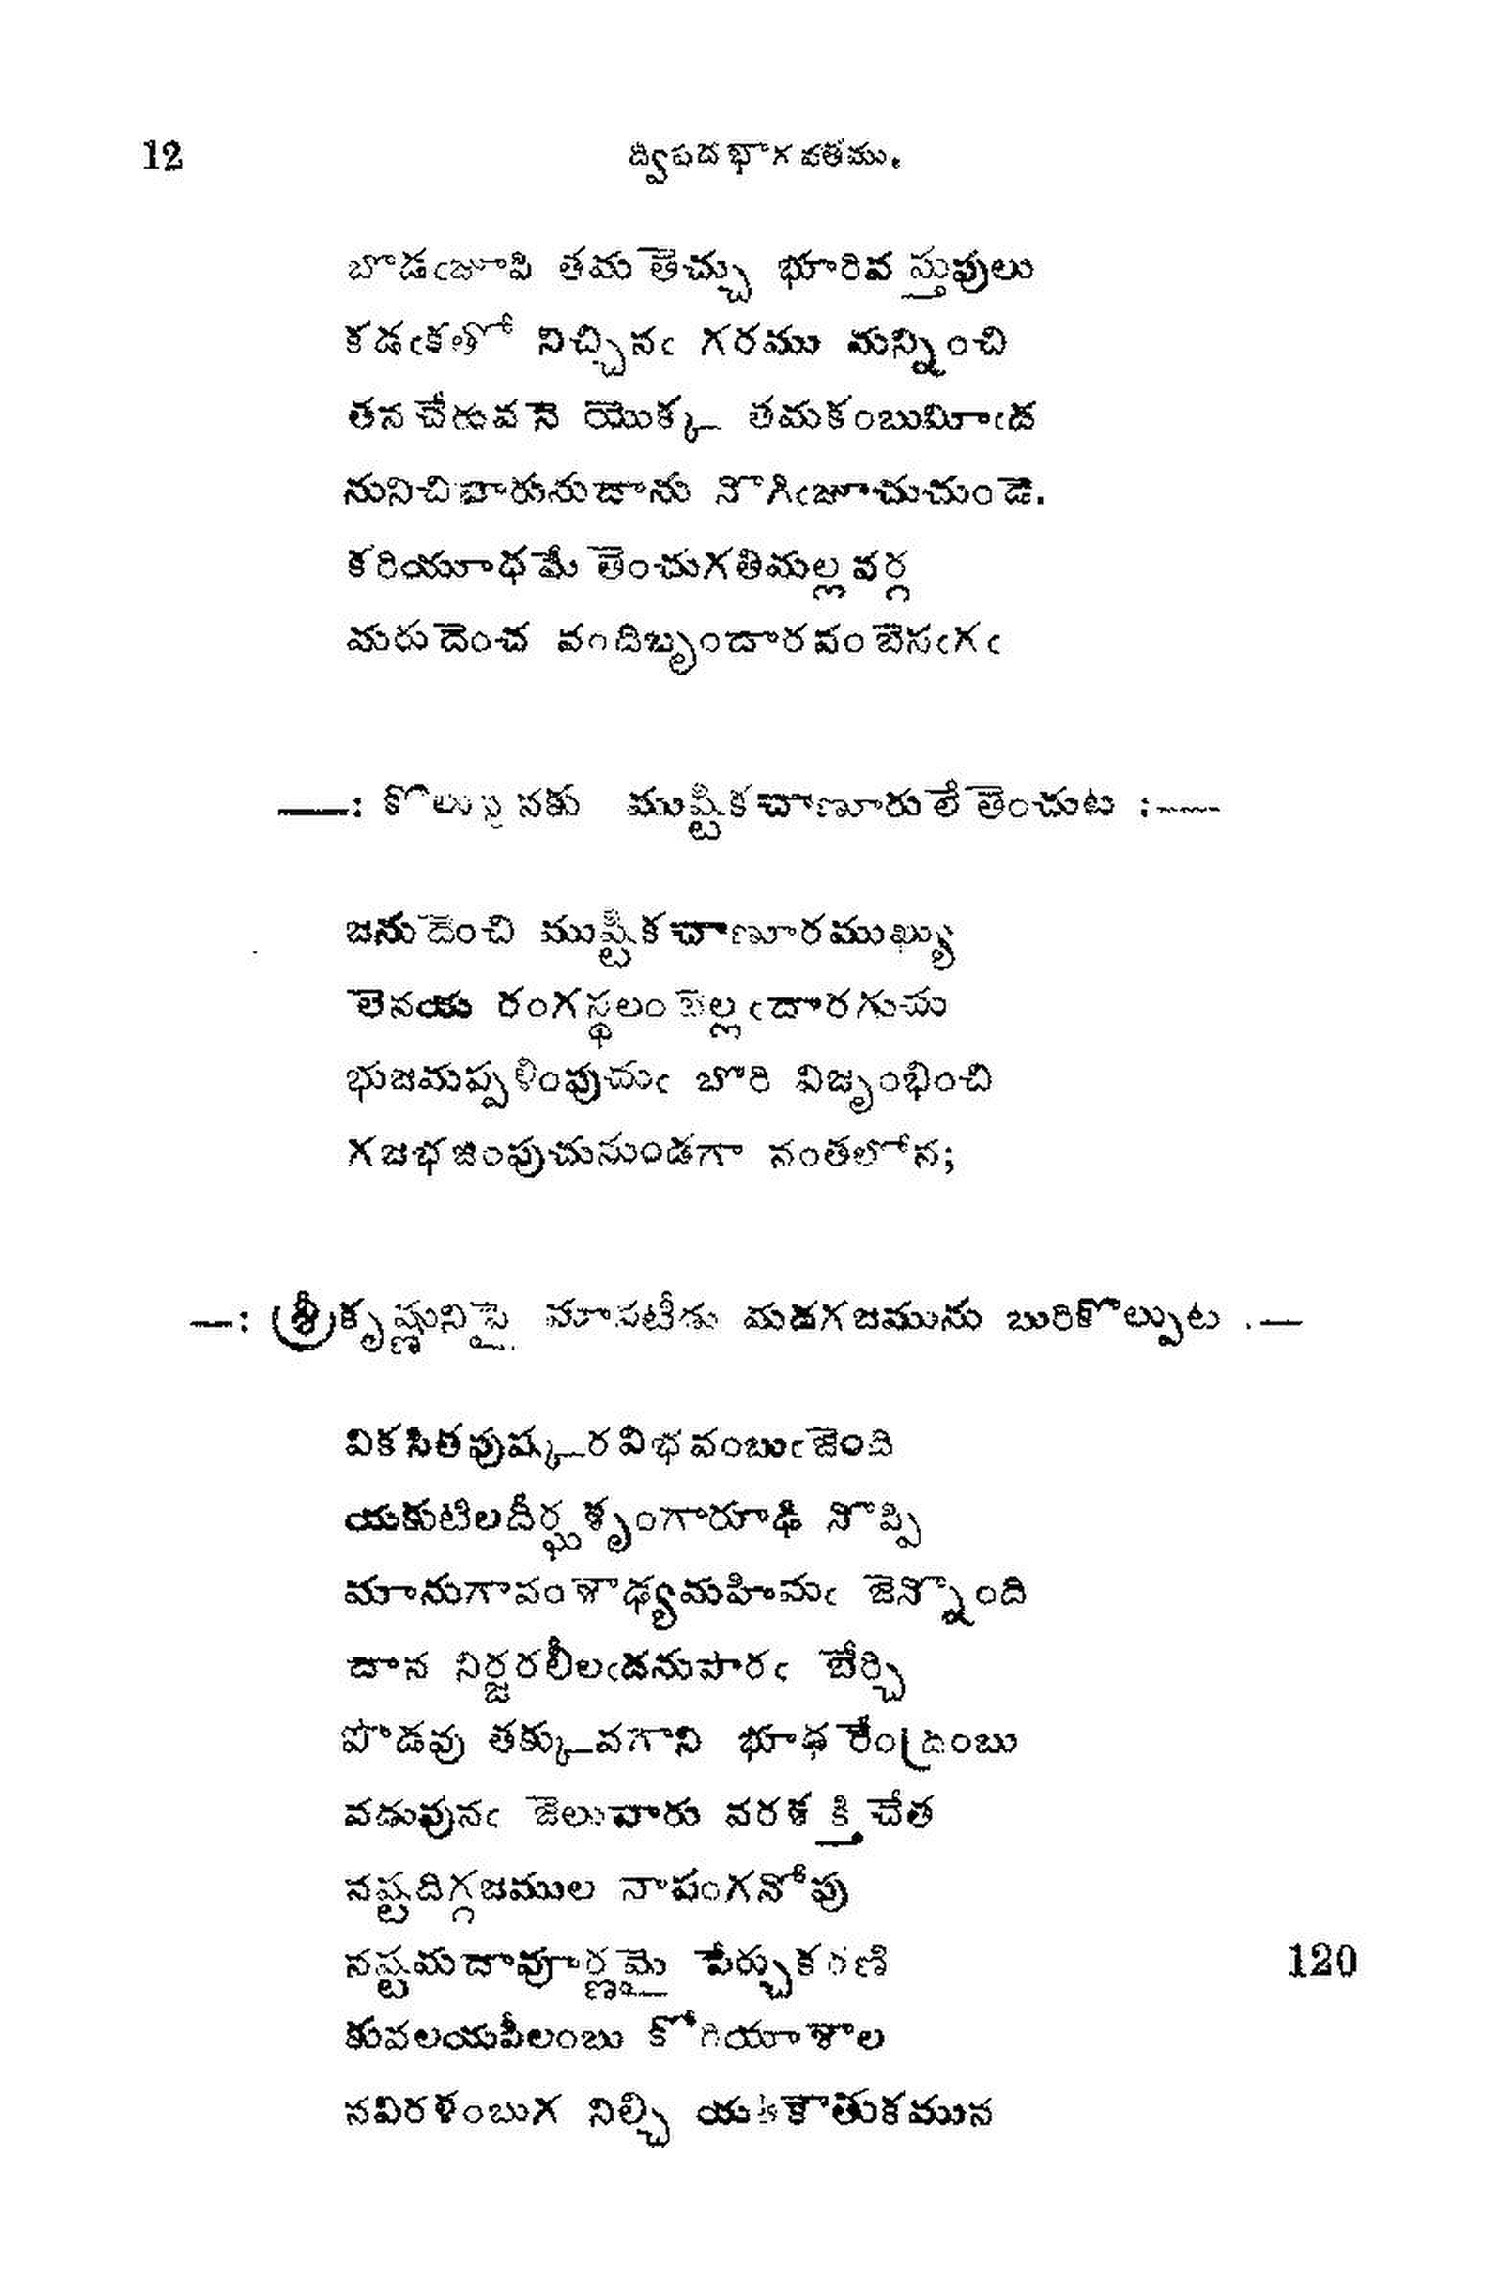బొడఁజూపి తమతెచ్చు భూరివస్తువులు
కడఁకతో నిచ్చినఁ గరము మన్నించి
తనచేరువనె యొక్క తమకంబుమీఁద
నునిచి వారును దాను నొగిఁజూచుచుండె.
కరియూధ మే చుగతి మల్లవర్గ
మరుదెంచ వందిబృందారవం బెసఁగఁ

జను దెంచి ముష్టిక చాణూరముఖుల
లెనయ రంగస్థలంబెల్లఁ దారగుచు
భుజమప్పళింపుచుఁ బొరి విజృంభించి
గజభజింపుచునుండగా నంతలోన;

వికసితపుష్కరవిభవంబుఁ జెంది
యకుటిలదీర్ఘశృంగారూఢి నొప్పి
మానుగా వంశాఢ్యమహిమఁ జెన్నొంది
దాన నిర్జరలీలఁ దనుపారఁ బేర్చి
పొడవు తక్కువగాని భూధరేంద్రంబు
వడువునఁ జెలువారు వరశక్తిచేత
నష్టదిగ్గజముల నాపంగనోపు
నష్టమదాపూర్ణమై పేర్చుకరణి
కువలయవేలంబు కోరియాశాల
నవిరళంబుగ నిల్చి యతికౌతుకమున